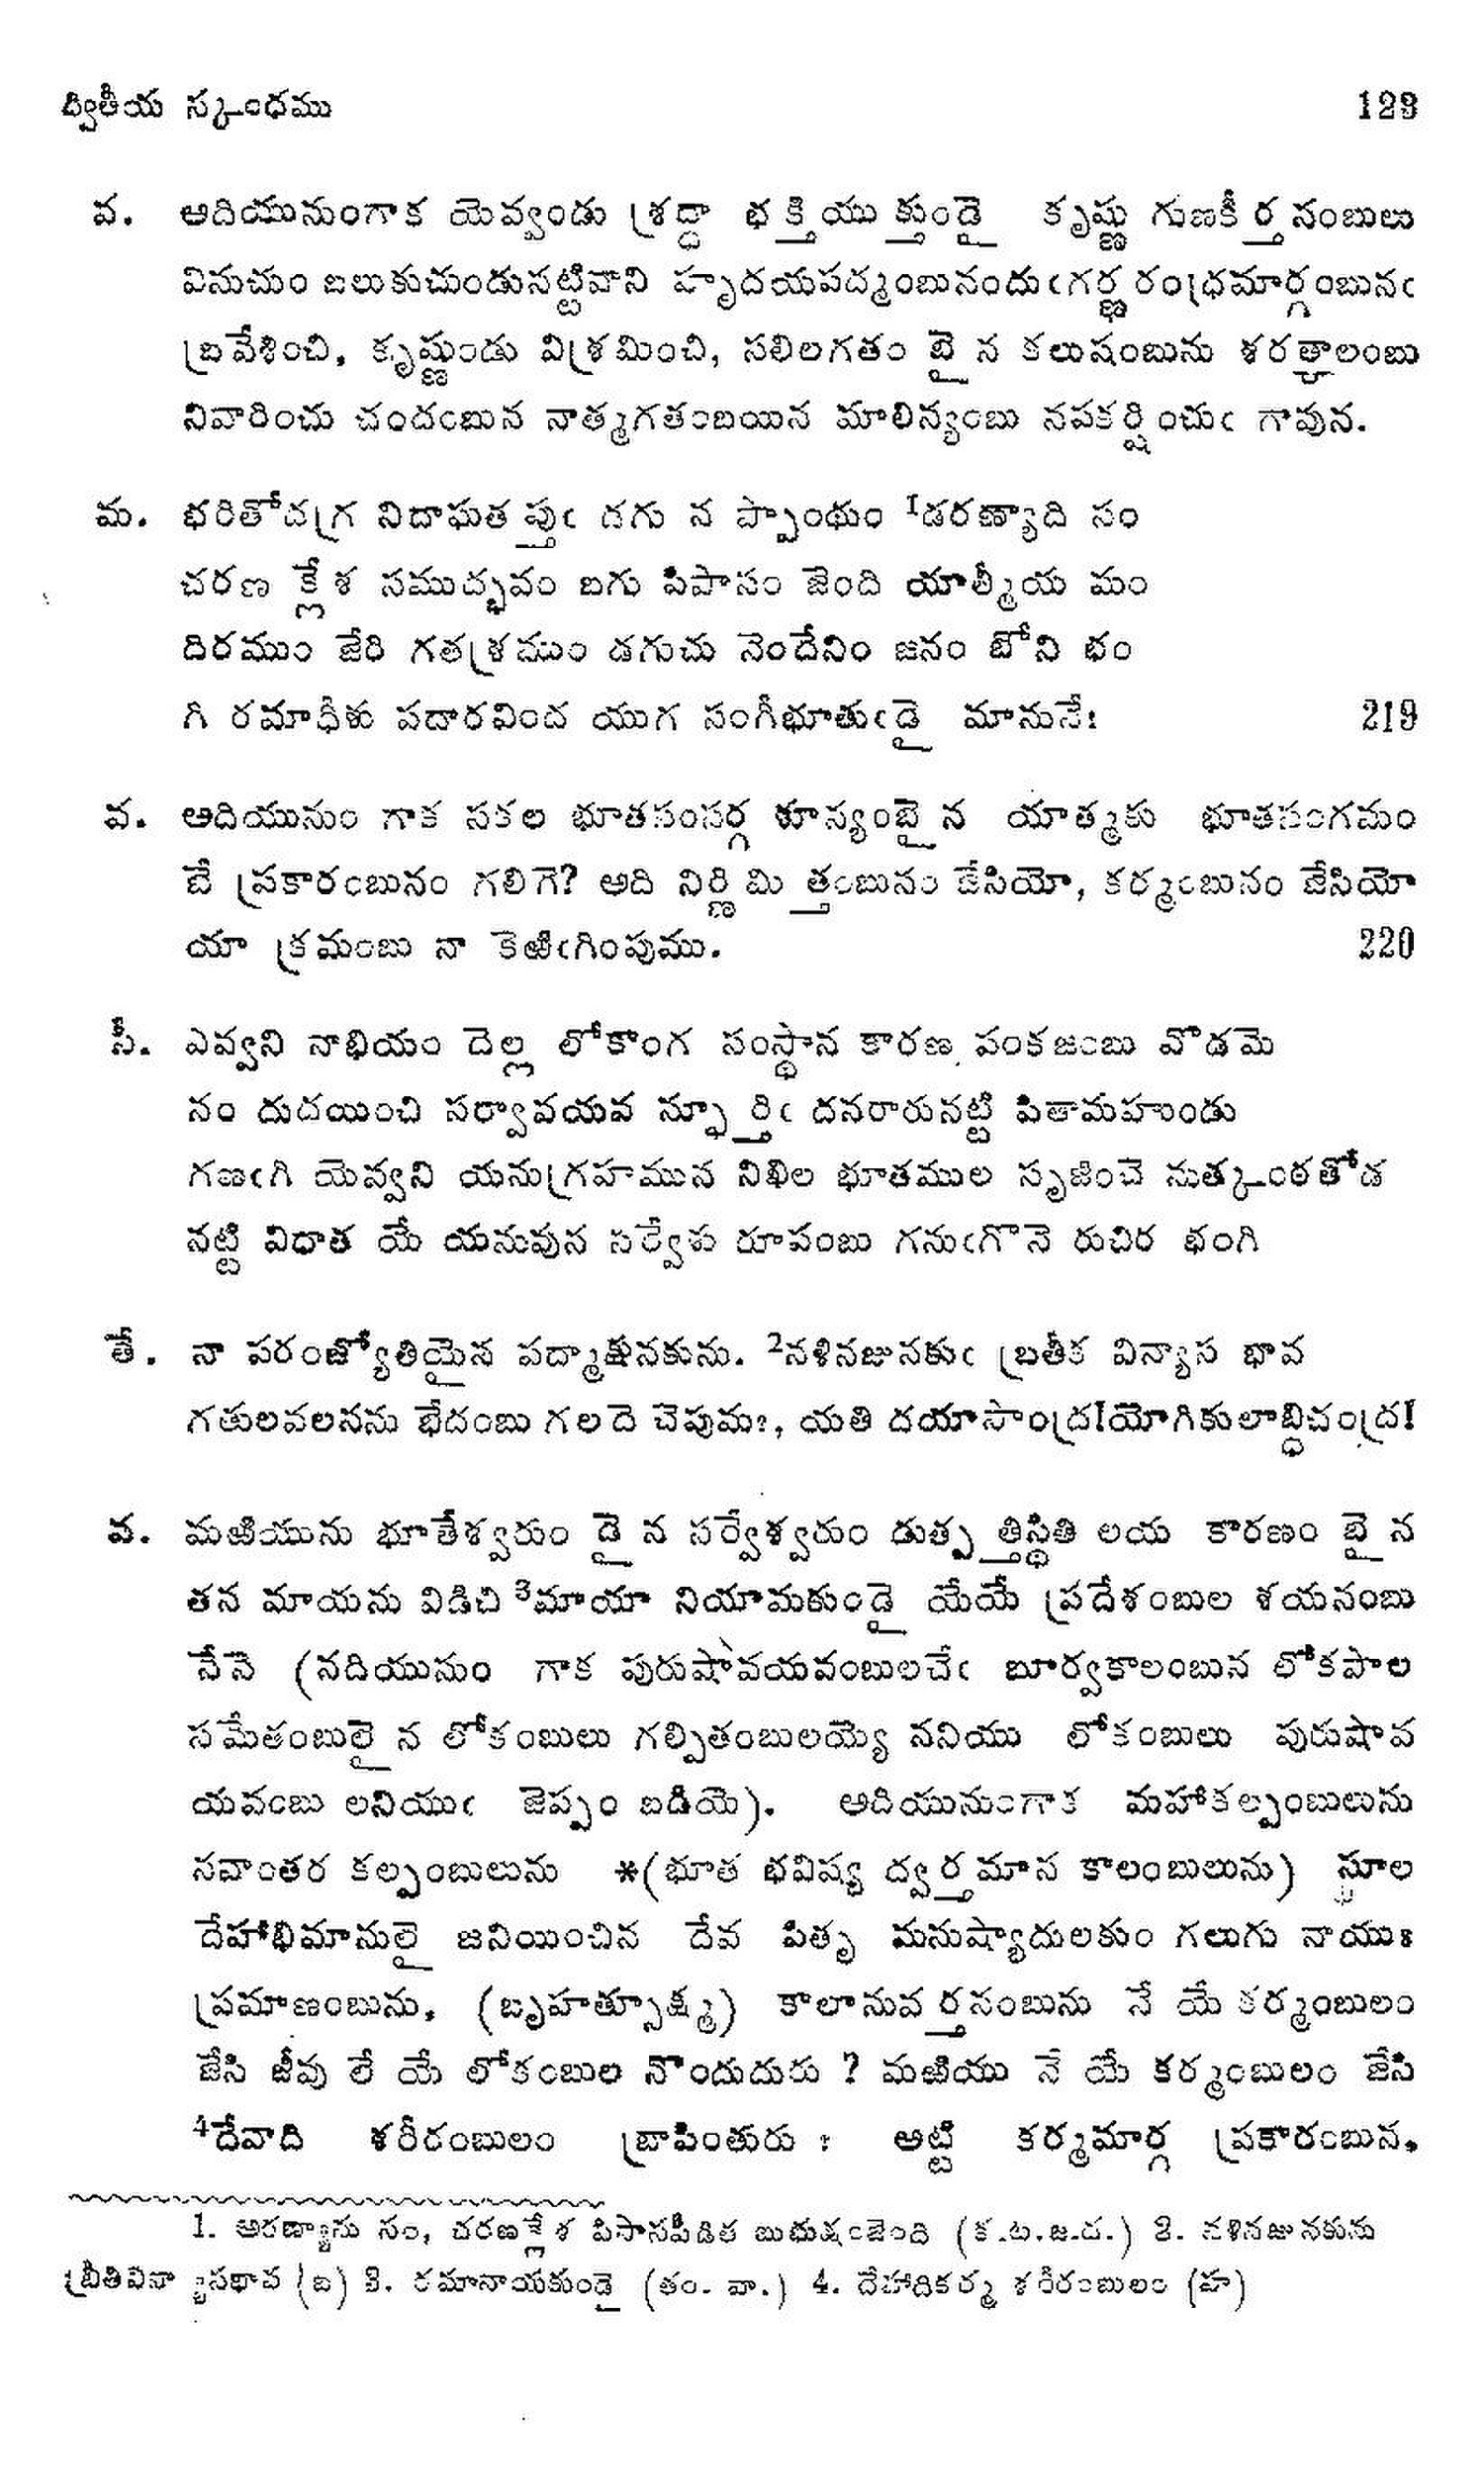123

వ.అదియునుంగాక యెవ్వండు శ్రద్ధా భక్తి యుక్తుండై కృష్ణు గుణకీర్తనంబులు వినుంచు బలుకుచుండునట్టివాని హృదయపద్మంబుసందుఁ గర్ణ రంధ్రమార్గంబునఁ బ్రవేశించి, కృష్ణుండు విశ్రమించి,సలిలగతం బైన కలుషంబును శరత్కాలంబు నివారించు చందంబున నాత్మగతంబయిన మాలిన్యంబు నపకర్షించుఁ గావున. (218) 

మ.భరితోదగ్ర నిదాఘతప్తుఁ డగు న ప్పాంధుం డరణ్యాది సం 

చరణ క్లేశ సముద్బవం బగు పిపాసం జెంది యాత్మీయ మం

దిరముం జేరి గతశ్రముం డగుచు నెందేనిం జనం బోని భం

గి రమాధీశు పదారవింద యుగ సంగీభూతుఁడై మానునే! (219)

వ.అదియునుం గాక సకల భూతసంసర్గ శూన్యంబైన యాత్మకు భూతసంగమం

బే ప్రకారంబునం గలిగె? అది నిర్ణి మిత్తంబునం జేసియో, కర్మంబునం జేసియో యా క్రమంబు నా కెఱిఁగింపుము. (220)

సీ.ఎవ్వని నాభియం దెల్ల లోకాంగ సంస్దాన కారణ పంకజంబు వొడమె

నం దుదయించి సర్వావయవ స్పూర్తిఁ దనరారునట్టి పితామహుండు

గణఁగి యెవ్వని యనుగ్రహమున నిఖిల భూతముల సృజించె నుత్కంఠతోడ

నట్టి విధాత యే యనువున సర్వేశు రూపంబు గనుఁగొనె రుచిర భంగి

తే.నా పరంజ్యోతియైన పద్మాక్షునకును, నళినజునకుఁ బ్రతీక విన్యాస భావ

గతులవలనను భేదంబు గలదె చపుమ?, యతి దయాసాంద్ర! యోగికు లాబ్ధిచంద్ర! (221)

వ.మఱియును భూతేశ్వరుం డైన సర్వేశ్వరుం డుత్పత్తిస్దితి లయ కారణం బైన తన మాయను విడిచి మాయా నియామకుండై యేయే ప్రదేశంబుల శయనంబు సేసె (నదియునుం గాక 

పురుషావయవంబులచేఁ బూర్వకాలంబున లోకపాల సమేతంబులైన లోకంబులు గల్పితంబులయ్యె ననియు లోకంబులు పురుషావయవంబు లనియుఁ జెప్పం బడియె). అదియునుంగాక 

మహాకల్పంబులును నవాంతర కల్పంబులును *భూత భవిష్య ద్వర్తమాన కాలంబులును) స్ధూల దేహాభిమానులై జనియించిన దేవ పితృ మనుష్యాదులకుం గలుగు నాయుః ప్రమాణంబును, 

(బృహత్సూక్ష్మ) కాలానువర్తనంబును నే యే కర్మంబులం జేసి జీవు లే యే లోకంబుల నొందుదురు? మఱియు నే యే కర్మంబులం జేసి దేవాది శరీరంబులం బ్రాపింతురు? అట్టి కర్మమార్గ 

ప్రకారంబున,